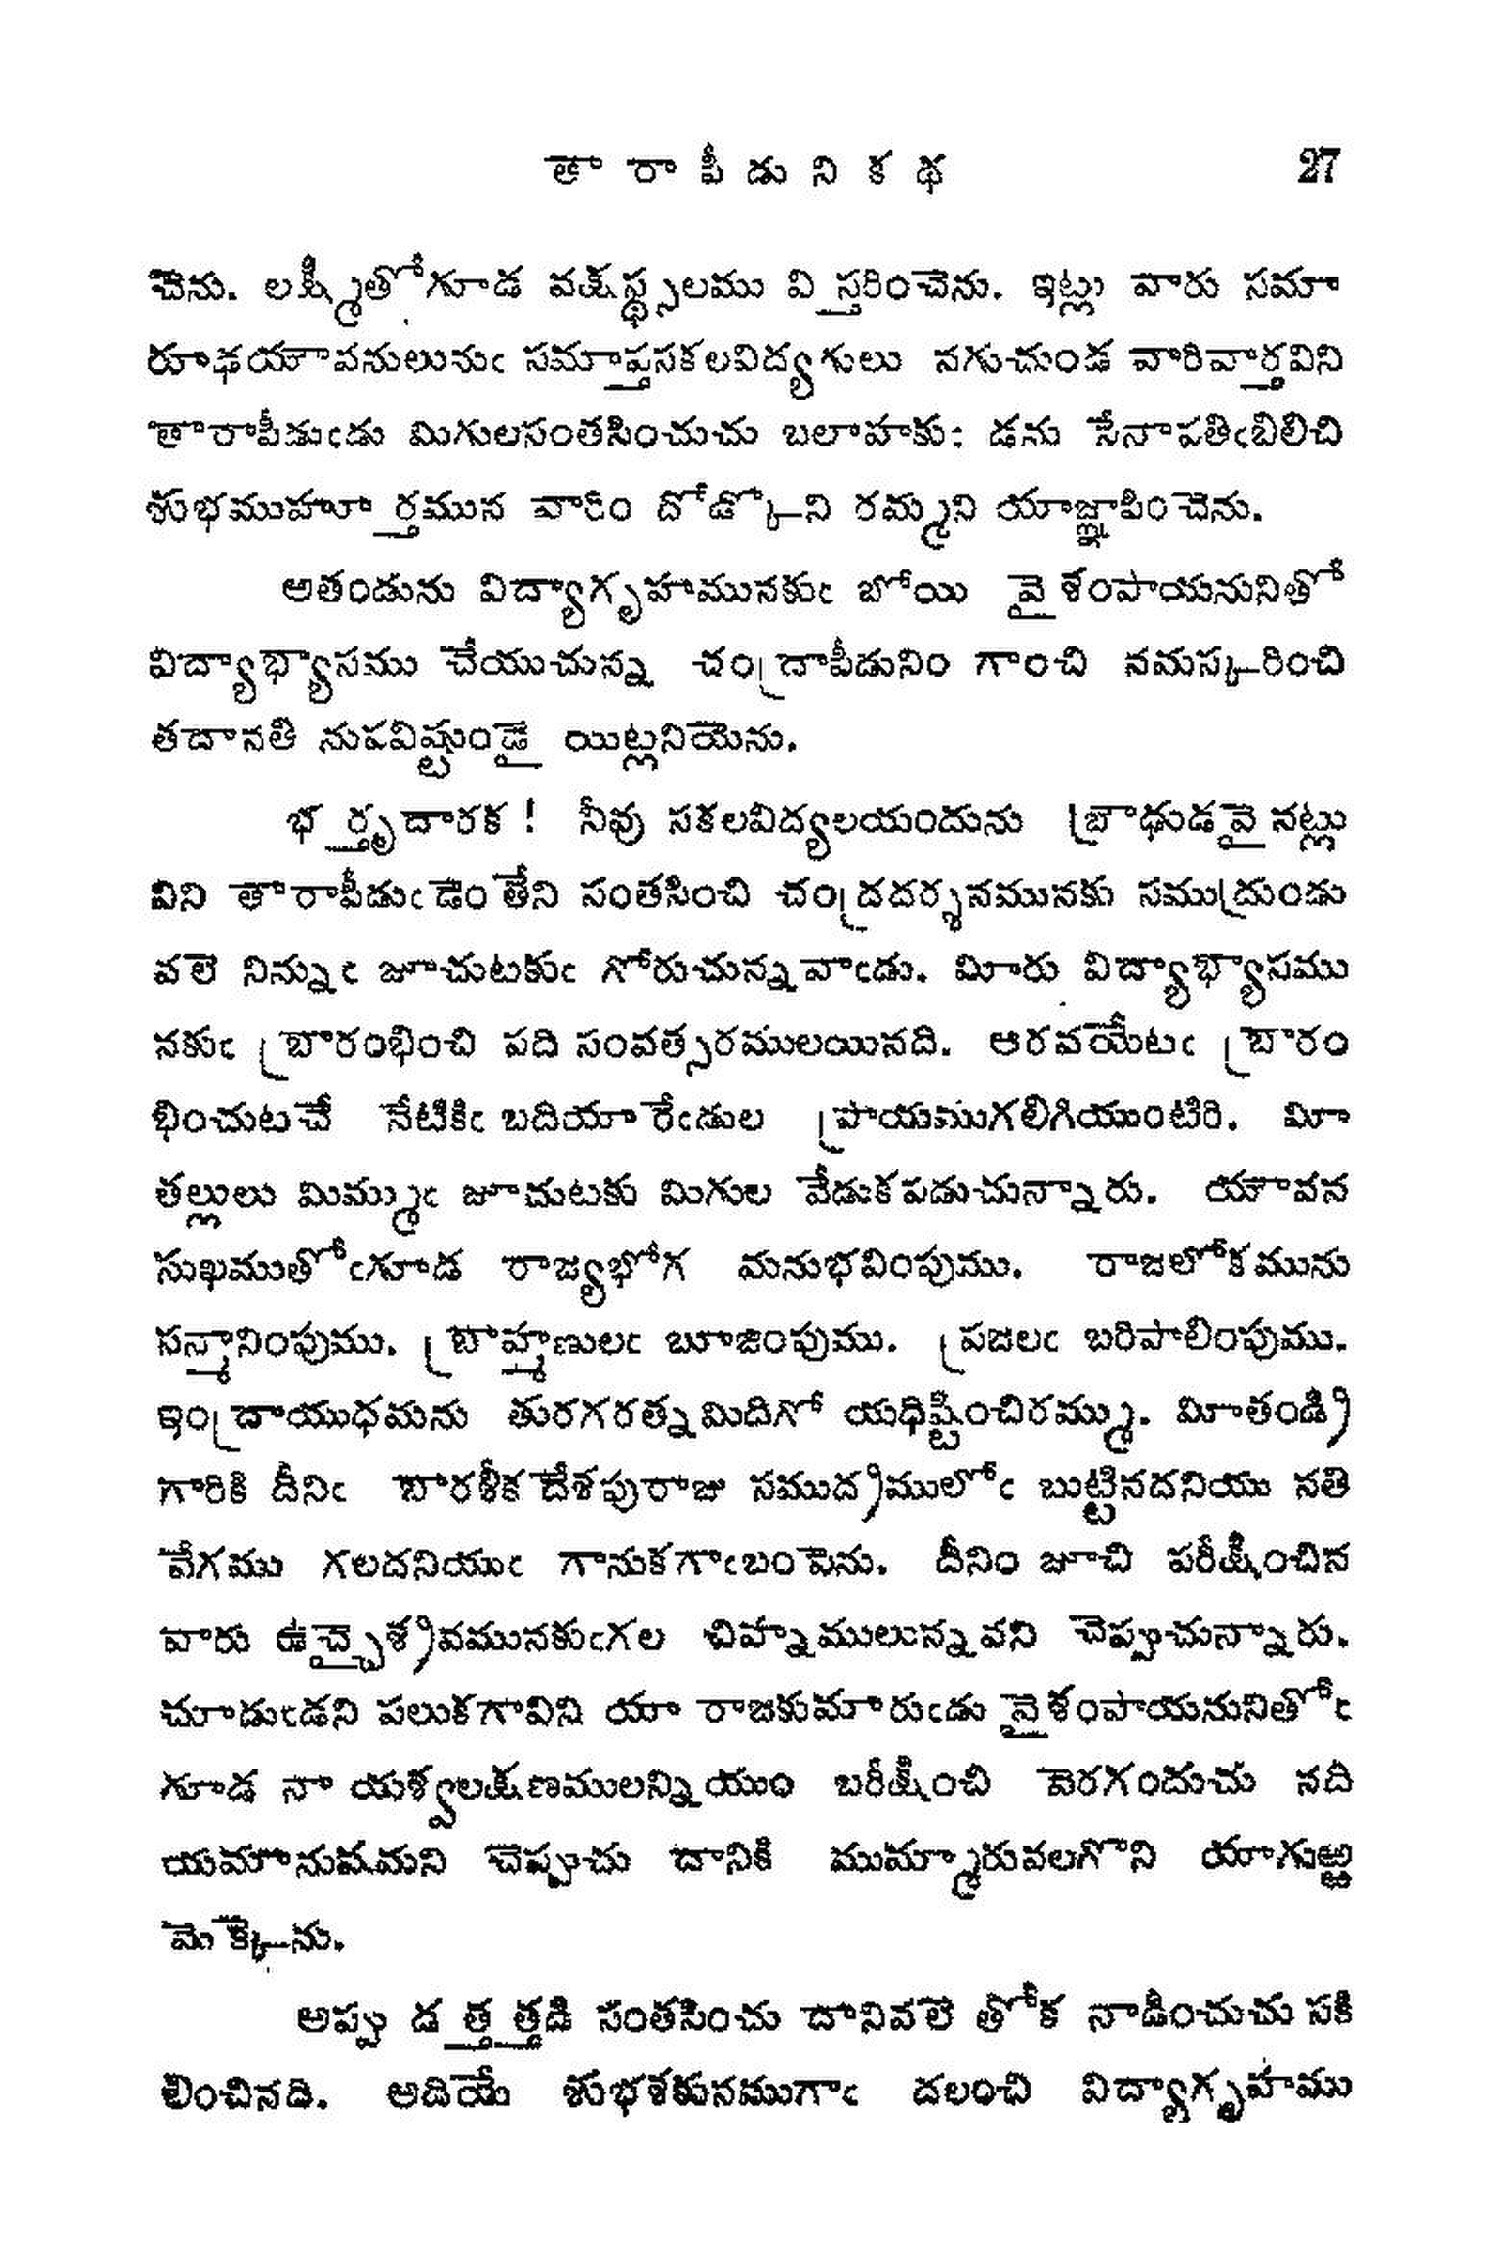చెను. లక్ష్మీతోగూడ వక్షస్థ్సలము విస్తరించెను. ఇట్లు వారు సమారూఢయౌవనులునుఁ సమాప్తసకలవిద్యగులు నగుచుండ వారివార్తవిని తారాపీడుఁడు మిగులసంతసించుచు బలాహకుః డను సేనాపతిఁబిలిచి శుభముహూర్తమున వారిం దోడ్కొని రమ్మని యాజ్ఞాపించెను.

అతండును విద్యాగృహమునకుఁ బోయి వైశంపాయనునితో విద్యాభ్యాసము చేయుచున్న చంద్రాపీడునిం గాంచి నమస్కరించి తదానతి నుపవిష్టుండై యిట్లనియెను.

భర్తృదారక! నీవు సకలవిద్యలయందును బ్రౌఢుడవైనట్లు విని తారాపీడుఁ డెంతేని సంతసించి చంద్రదర్శనమునకు సముద్రుండు వలె నిన్నుఁ జూచుటకుఁ గోరుచున్నవాఁడు. మీరు విద్యాభ్యాసమునకుఁ బ్రారంభించి పది సంవత్సరములయినది. ఆరవయేటఁ బ్రారంభించుటచే నేటికిఁ బదియారేఁడుల ప్రాయముగలిగియుంటిరి. మీ తల్లులు మిమ్ముఁ జూచుటకు మిగుల వేడుకపడుచున్నారు. యౌవన సుఖముతోఁగూడ రాజ్యభోగ మనుభవింపుము. రాజలోకమును సన్మానింపుము. బ్రాహ్మణులఁ బూజింపుము. ప్రజలఁ బరిపాలింపుము. ఇంద్రాయుధమను తురగరత్నమిదిగో యధిష్టించిరమ్ము. మీతండ్రి గారికి దీనిఁ బారశీకదేశపురాజు సముద్రములోఁ బుట్టినదనియు నతి వేగము గలదనియుఁ గానుకగాఁబంపెను. దీనిం జూచి పరీక్షించిన వారు ఉచ్చైశ్రవమునకుఁగల చిహ్నములున్నవని చెప్పుచున్నారు. చూడుఁడని పలుకగావిని యా రాజకుమారుఁడు వైశంపాయనునితోఁ గూడ నా యశ్వలక్షణములన్నియుం బరీక్షించి వెరగందుచు నది యమానుషమని చెప్పుచు దానికి ముమ్మారువలగొని యాగుఱ్ఱ మెక్కెను.

అప్పు డత్తత్తడి సంతసించు దానివలె తోక నాడించుచు సకిలించినది. అదియే శుభశకునముగాఁ దలంచి విద్యాగృహము